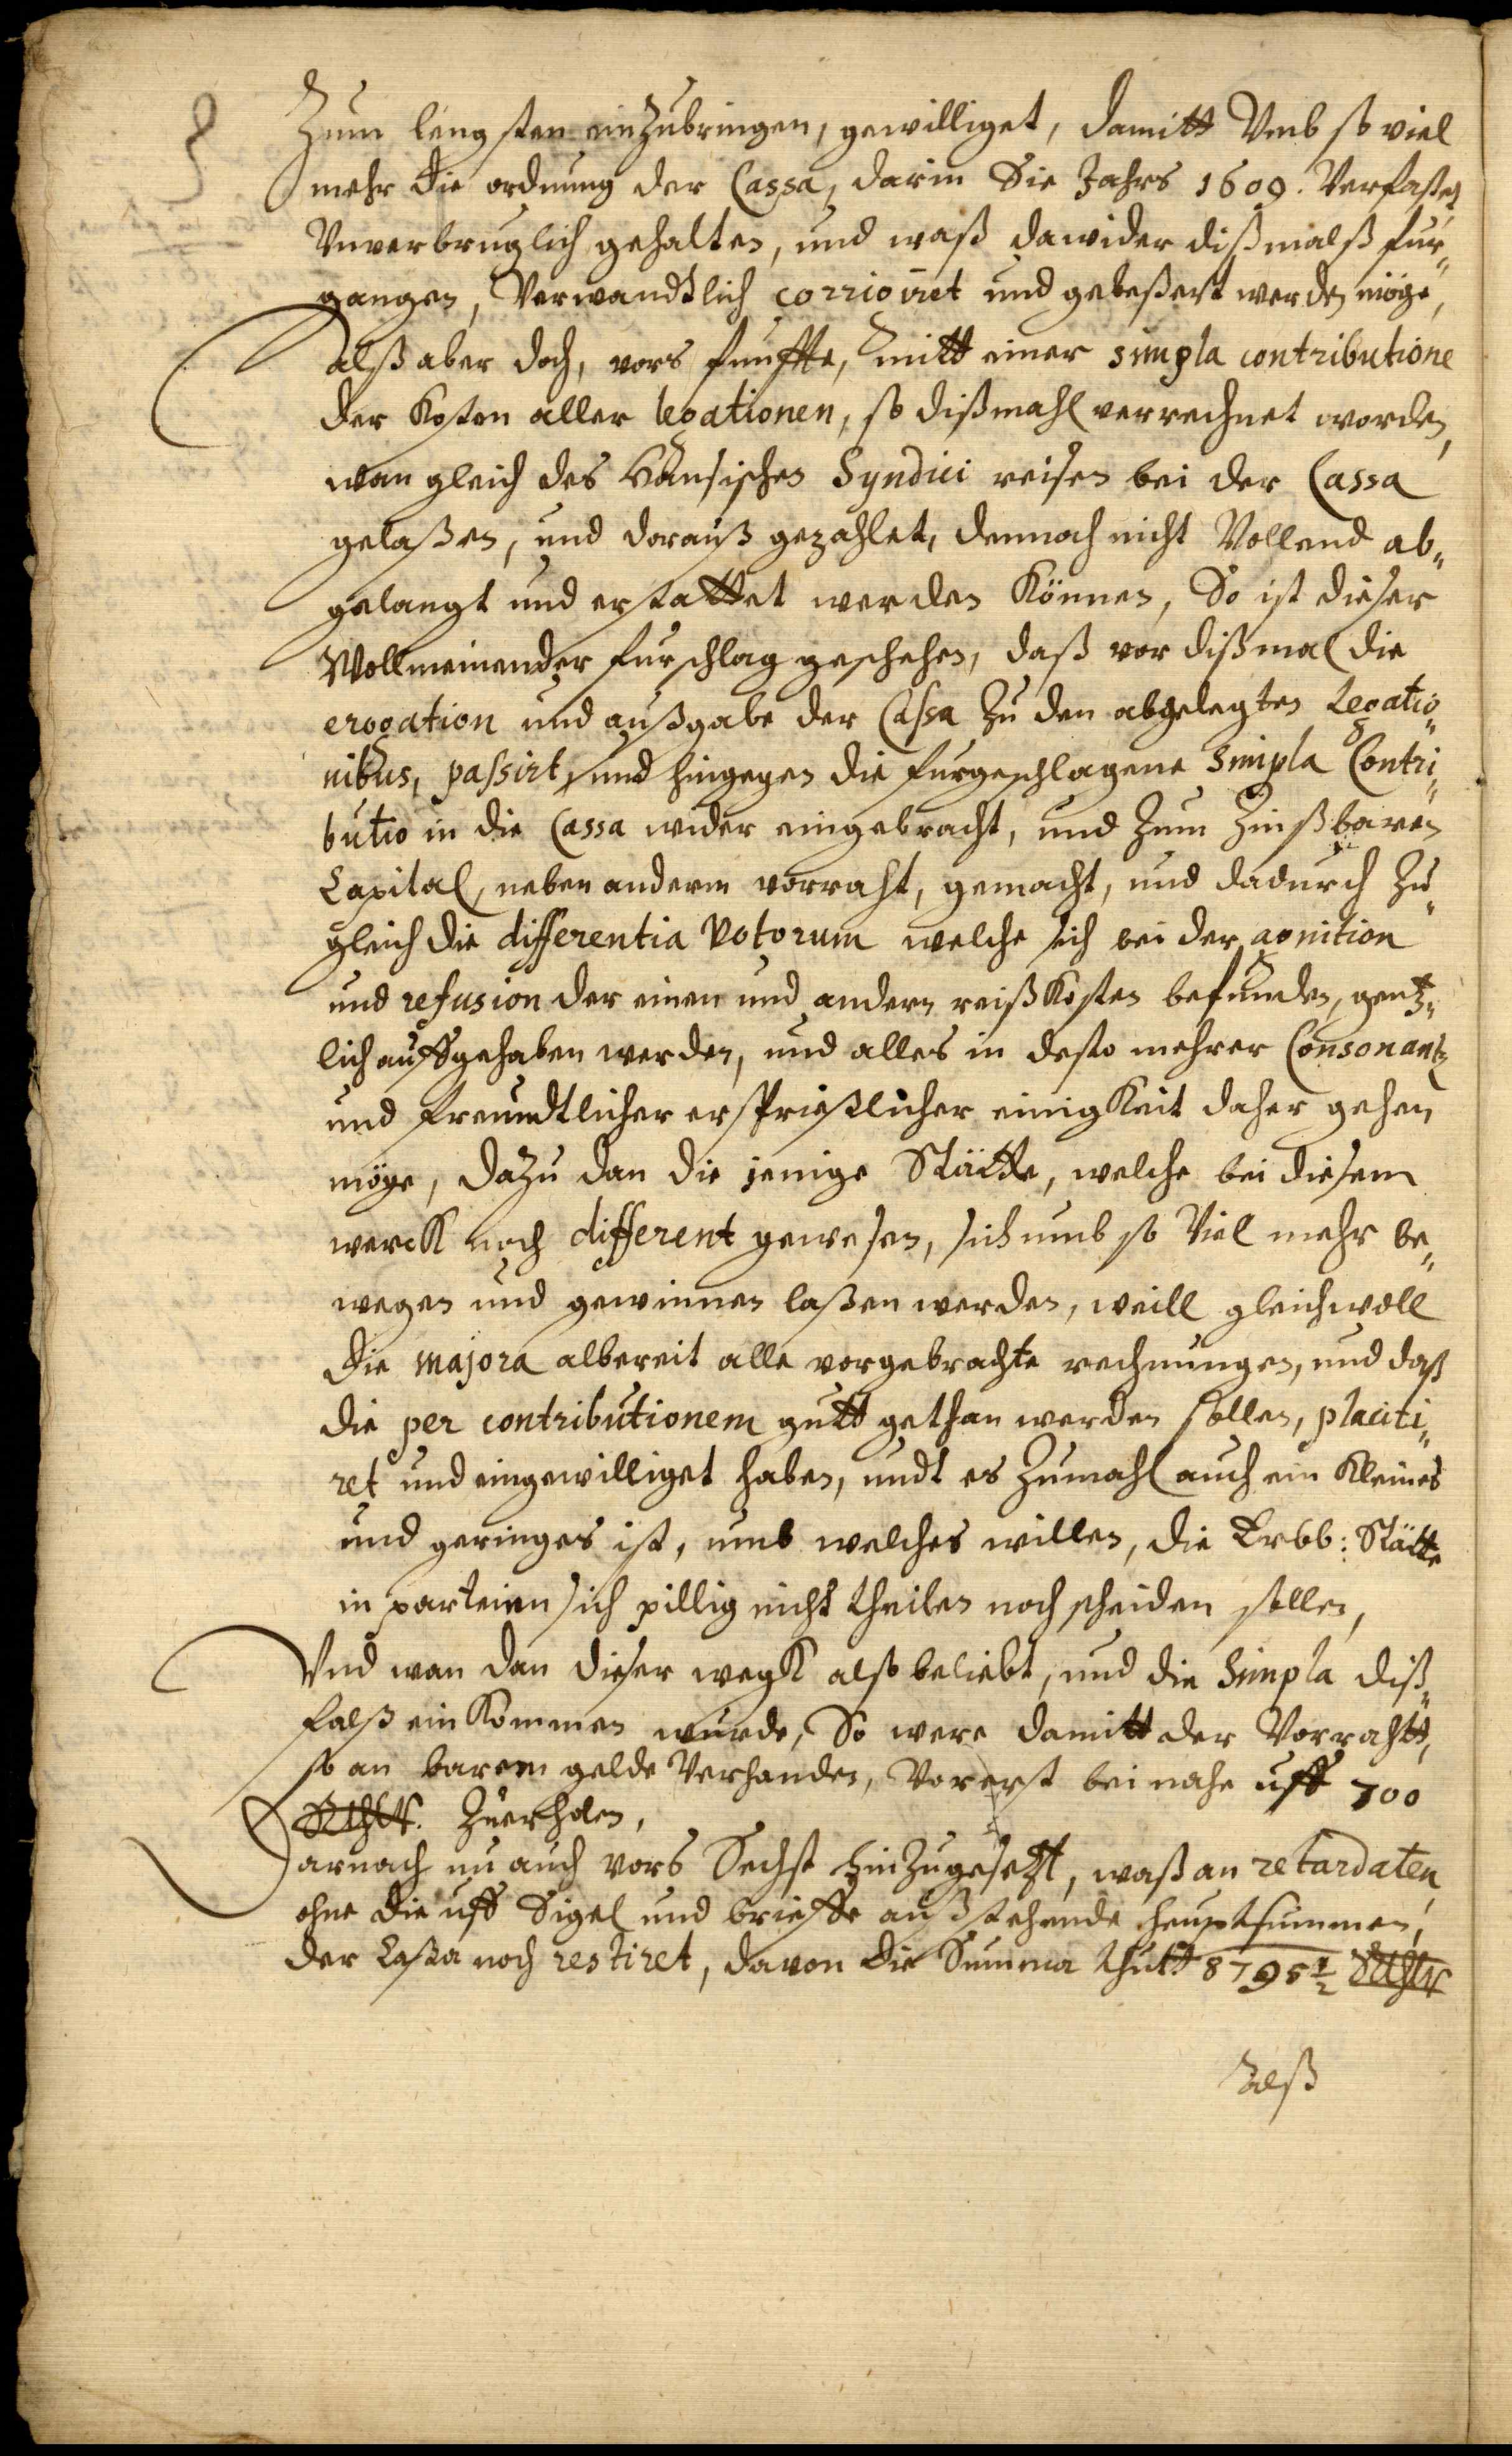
Zum lengsten einzubringen, gewilliget, damitt Vmb so viel
mehr die ordnung der Cassa, darin Sie Jahrs 1609. verfaßet,
vnverbruglich gehalten, und waß dawider dißmalß fur¬
gangen, verwandtlich corrigiret und gebeßert werden möge,
Alß aber doch, vors funffte, mitt einer simpla contributione
der Kosten aller legationen, so dißmahl verrechnet worden,
wan gleich des Hansischen Syndici reisen bei der Cassa
gelaßen, vnd darauß gezahlet, dennoch nicht vollend ab¬
gelangt und erstattet werden können, So ist dieser
Wollmeinender furschlag geschehen, daß vor dißmal die
erogation und außgabe der Cassa zu den abgelegten Legatio¬
nibus, passirt, und hingegen die furgeschlagene simpla Contri¬
butio in die Cassa wider eingebracht, vnd zum zinßbaren
Capital, neben anderm vorraht, gemacht, und dadurch zu¬
gleich die differentia Votorum welche sich bei der agnition
und refusion der einen und andern reißkosten befunden, gentz¬
lich auffgehaben werden, und alles in desto mehrer Consonantz
und freundtlicher ersprießlicher einigkeit daher gehen
möge, dazu dan die jenige Stätte, welche bei diesem
werck noch different gewesen, sich umb so viel mehr be¬
wegen und gewinnen laßen werden, weill gleichwoll
die majora albereit alle vorgebrachte rechnungen, und daß
die per contributionem gutt gethan werden sollen, placiti¬
ret und eingewilliget haben, undt es zumahl auch ein kleines
vnd geringes ist, umb welches willen, die Erbb: Stätte
in parteien sich pillig nicht theilen noch scheiden sollen,
Vnd wan dan dieser wegk also beliebt, und die Simpla diß¬
falß ein kommen wurde, So were damitt der Vorrahtt,
so an barem gelde Verhanden, vorerst bei nahe uff 700
Rthlr. zuerholen,
Darnach nu auch vors Sechst hinzugesetzt, waß an retardaten
ohne die uff Sigel und brieffe außstehende heuptsummen,
der Caßa noch restiret, davon die Summa thutt 8795½ Rthlr
Alß
